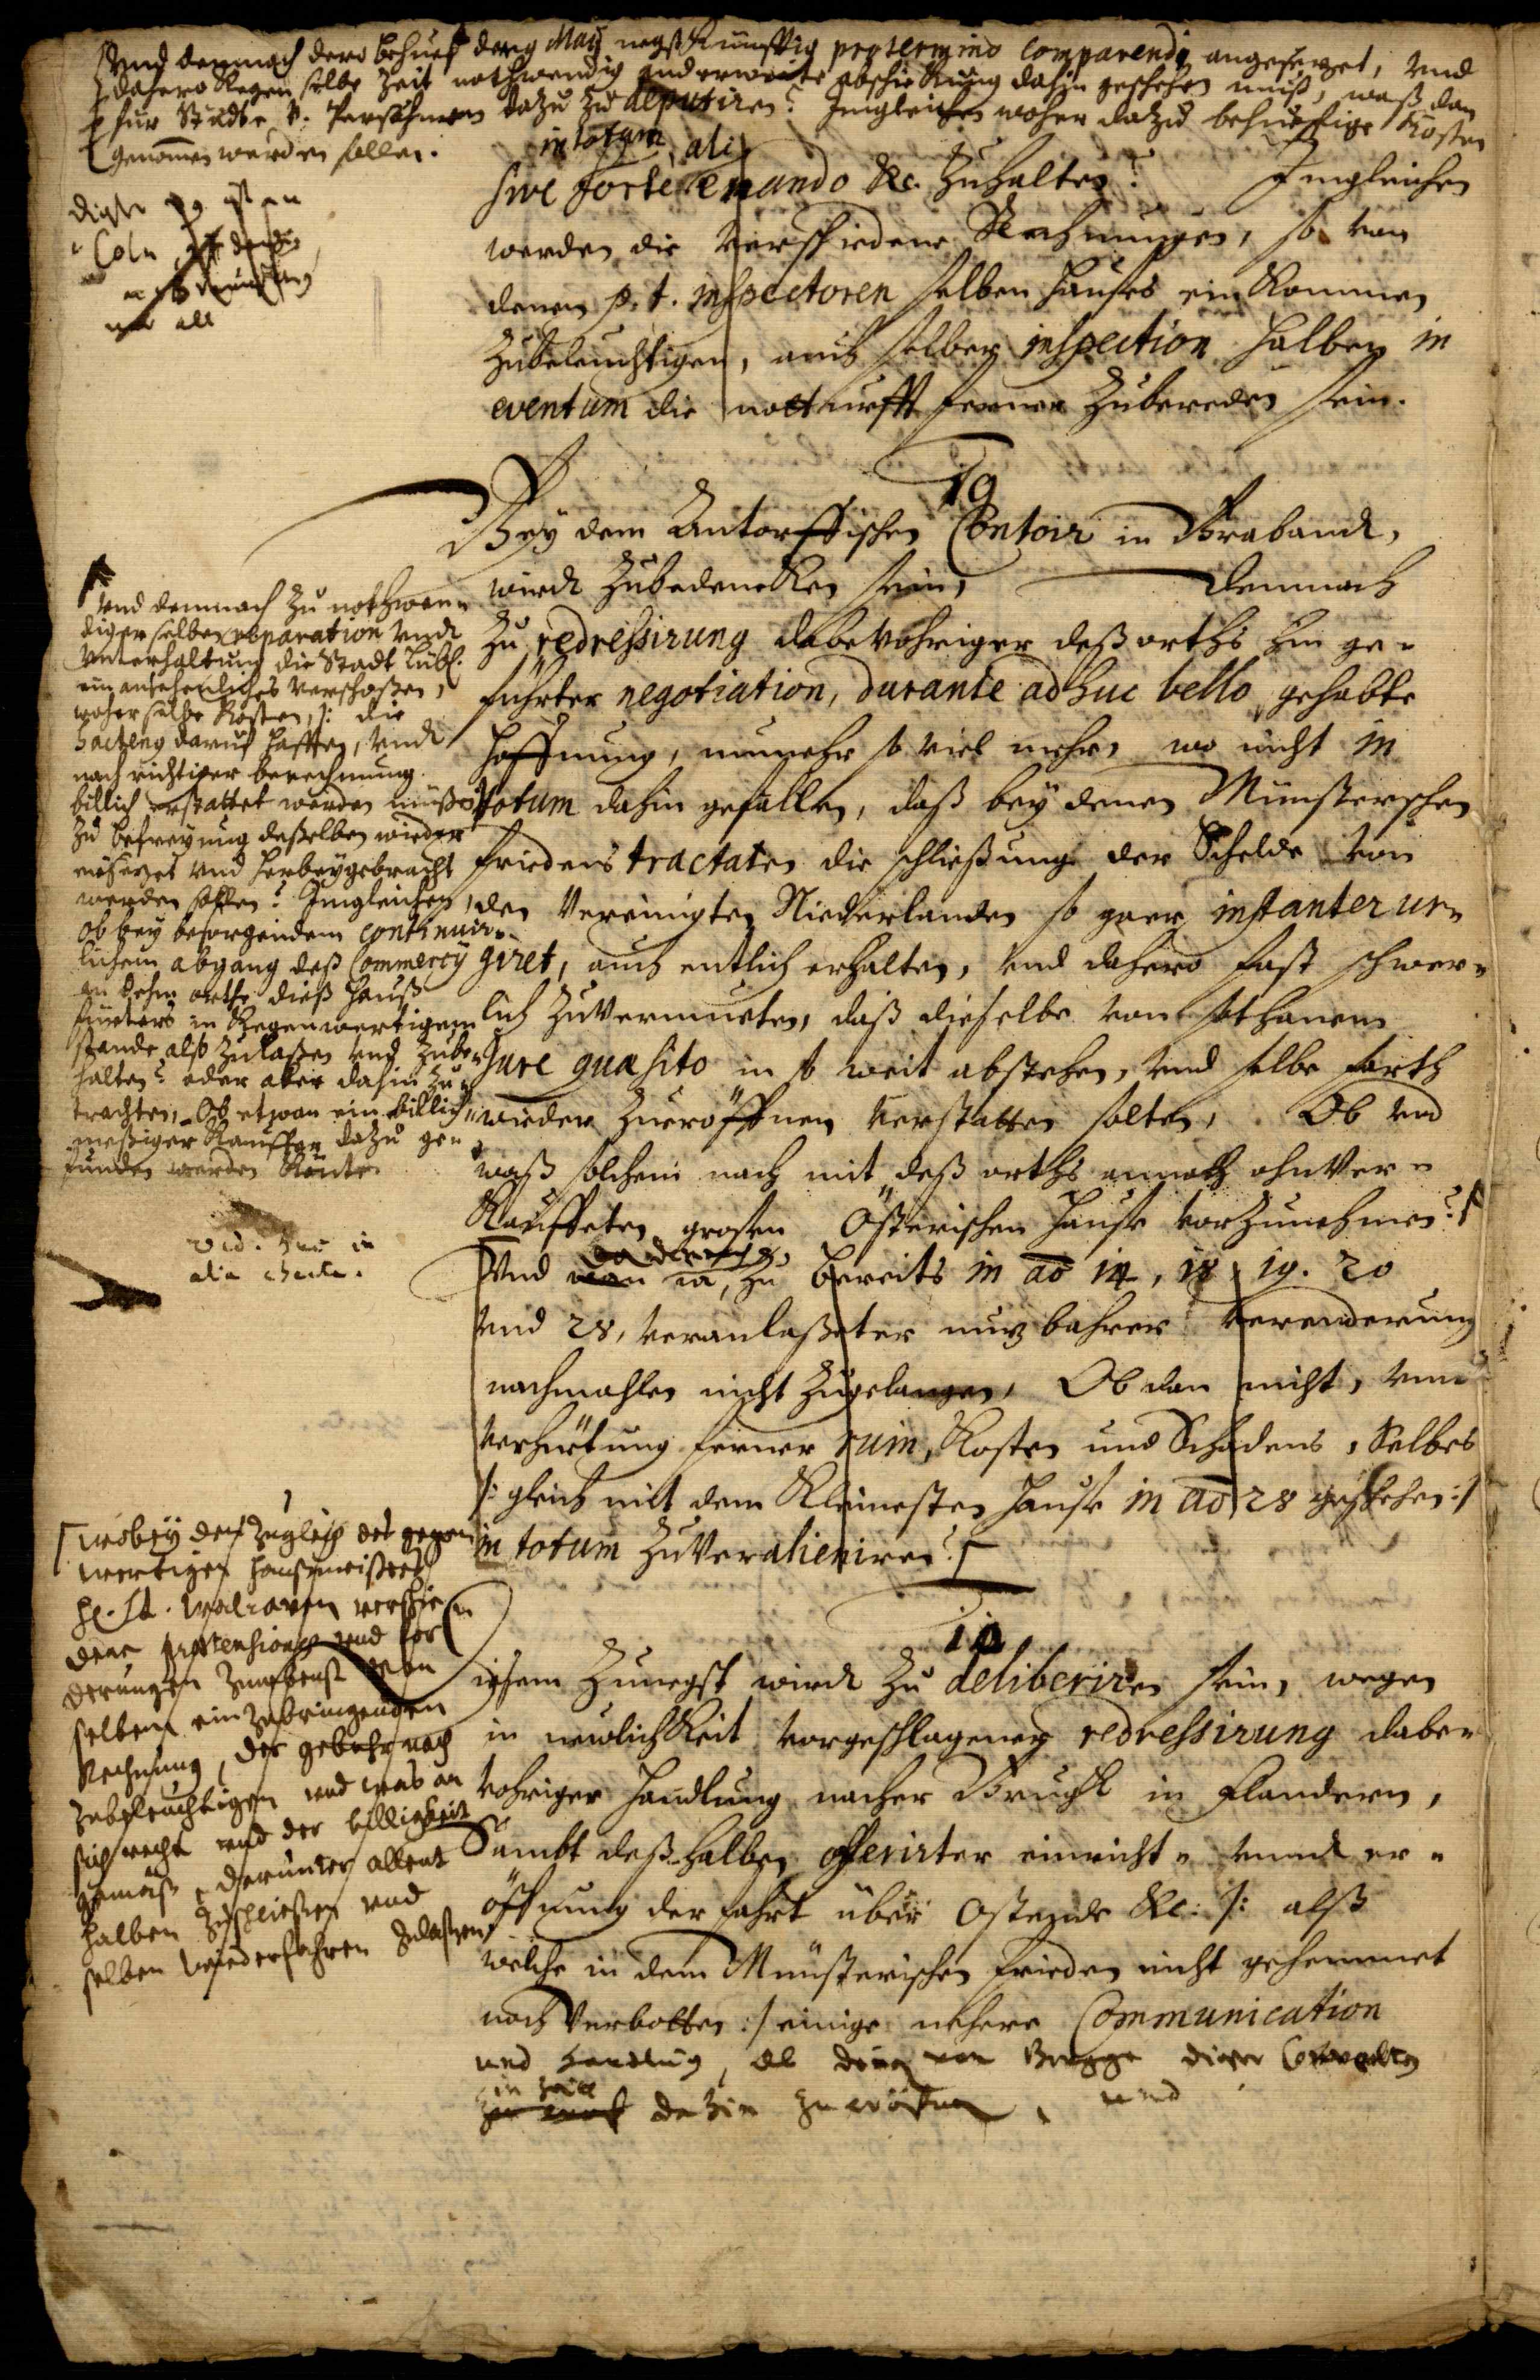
Vnd demnach dero behuef der 9 May negst künftig pro termino comparendi angesetzet, vnd
dahero kegen selbe zeit nothwendig anderweite abschickung dahin geschehen muß, waß dan
fur Städte v. Persohnen dazu zu deputiren. Imgleichen woher dazu behuefige kosten
genommen werden sollen.
dieser 9. ist an
Coln, dantzig
ae vs künftig
vnd all
in totum ali
sive forte eruand &c. zuhalten. Imgleichen
werden die verschiedene Rechnungen, so von
denen p.t. inspectoren selben hauses einkommen
zubeleuchtigen, auch solcher inspection halben in
eventum die notturfft ferner zubereden sein.
F Vnd demnach zu nothwen¬
diger selber reparation vnd
unterhaltung die Stadt Lübl.
ein ansehenliches verschoßen,
woher selbe Kosten, /: die
hactenus daruf hafften, vnd
nach richtiger berechnung
billich erstattet werden müßen
zu befreijung deßelben wieder
mäheret vnd herbeijgebracht
werden sollen? Imgleichen
ob beij besorgendem continuir¬
lichem abgang des Commercij
an dehm orthe dieß Hauß
fürters zu kegenwertigem
stande alß zulaßen vnd zube¬
halten? oder aber dahin zu¬
trachten, Ob etwan ein billich¬
meßiger Keuffer dazu ge¬
funden werden könte.
vid. hui in
alia c b acta
10
Beij dem Antorffischen Contoir in Brabandt,
wirdt zubedenken sein, Demnach
zu redressirung dabevohriger deß orths hin ge¬
führter negotiation, durante adhuc bello gehabte
hoffnung, numehr so viel mehr wo nicht in
votum dahin gefallen, daß beij demen Münsterschen
friedens tractaten die schließung der Schelde von
den Vereinigten Niederlanden so gaer instanter ur¬
giret, auch entlich erhalten, vnd dahero fast schwer¬
lich zuvermueten, daß dieselbe von sothanenn
Jure quaesito in so weit abstehen, vnd selbe farth
wieder zueröffnen verstatten solten, Ob vnd
waß solchem nach mit deß orths annoch ohnver¬
kauffeten großen Österischen hause vorzunehmen F
Vnd man da dennoch ia zu bereits in anno 14, 18, 19, 20
vnd 28, veranlaßeter nutzbahrer verenderung
nochmahlen nicht zugelangen, Ob dan nicht, vmb
verhütung ferner ruin, Kosten vnd Schadens, Selbes
/: gleich mit dem Kleinesten hause in anno 28 geschehen :/
in totum zuveralieniren. |
| wobeij den zugleich des gegen¬
wertigen Haußmeißters
H. St. Walraven verschie¬
dene praetensiones vnd for
derungen zunebenst von
selbem einzubringenden
Rechnung, der gebuhr nach
zubeleuchtigen vnd was an
sich recht vnd der billichkeit
gemäß, darunter allent
halben zuschließen vnd
selben wiederfahren zulaßen.
11
Diesem zunegst wirdt zu deliberiren sein, wegen
in newlichkeit vorgeschlagener redressirung dabe¬
vohriger handlung nacher Brugk in Flandern,
Sambt deßhalben offerirter einricht- vnndt er¬
öffnung der fahrt über Ostend &c. /: alß
welche in dem Münsterischen frieden nicht gehemmet
noch Verbotten :/ einige mehere Communication
und handlung, Ob denen von Brugge diese Contracten
zur weif dahin zuerörtern, vnd
